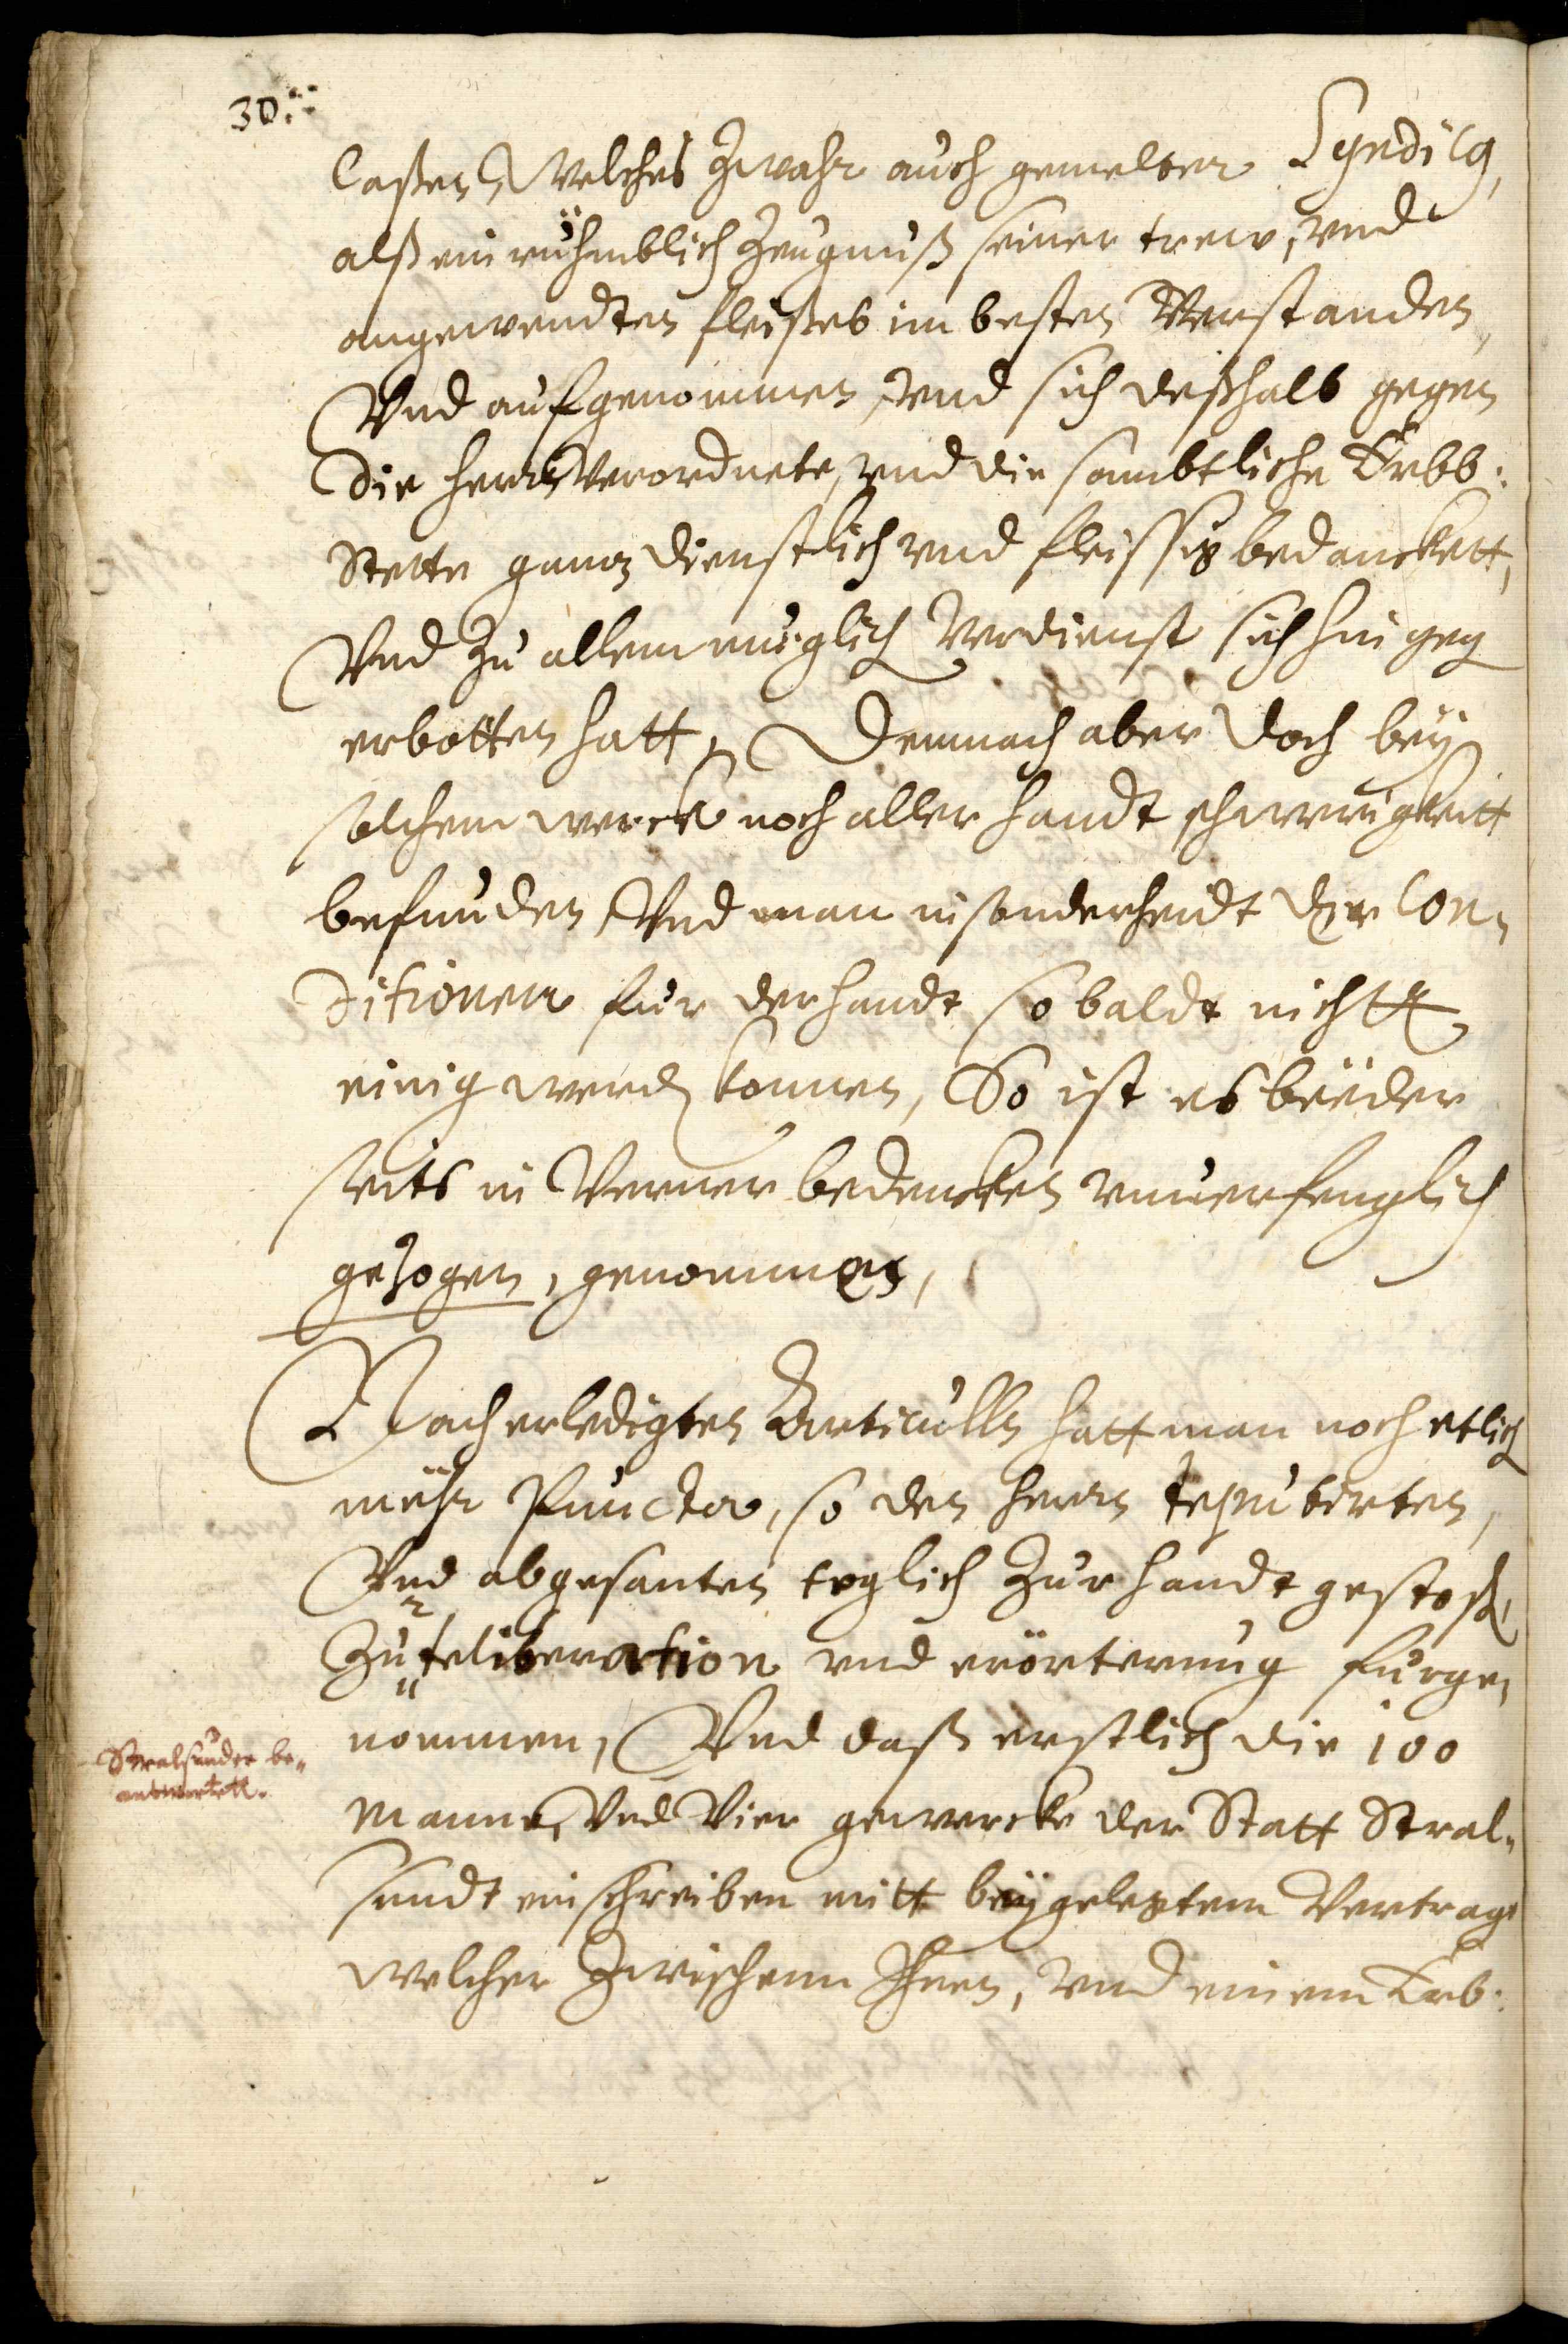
30:
laßen, welches Zwahr auch gemelter Syndicus,
alß ein rühmblich Zeugnuß seiner trew, vnd
angewendten fleißes im besten Verstanden,
Vnd aufgenommen, vnd sich deßhalb gegen
die herrn Verordnete, vnd die sambtliche Erbb:
Stette gantz dienstlich vnd fleissig bedanckett,
Vnd zu allem müglichen Verdienst sich hingegen
erbotten hatt, Demnach aber doch beij
solchem werck noch aller handt schwerigkeitt
befunden, Vnd man in sonderheidt der Con¬
ditionen fur der handt sobaldt nichtt
einig werden konnen, So ist es beëder
seits in verner bedencken vnuerfenglich
gezogen, genommen,
Nach erledigten Articulln hatt man noch etlichen
mehr Puncta, so den herrn deputirten,
Vnd abgesanten teglich Zur handt gestoßen,
zu deliberation vnd erörterung furge¬
nommen, Vnd daß erstlich die 100
Manne, Vnd Vier gewercke der Statt Stral¬
sundt ein schreiben mitt beijgelegtem Vertrag
welcher zwischen Ihnen, vnd einem Erb:
Stralsunder be¬
antwortett
